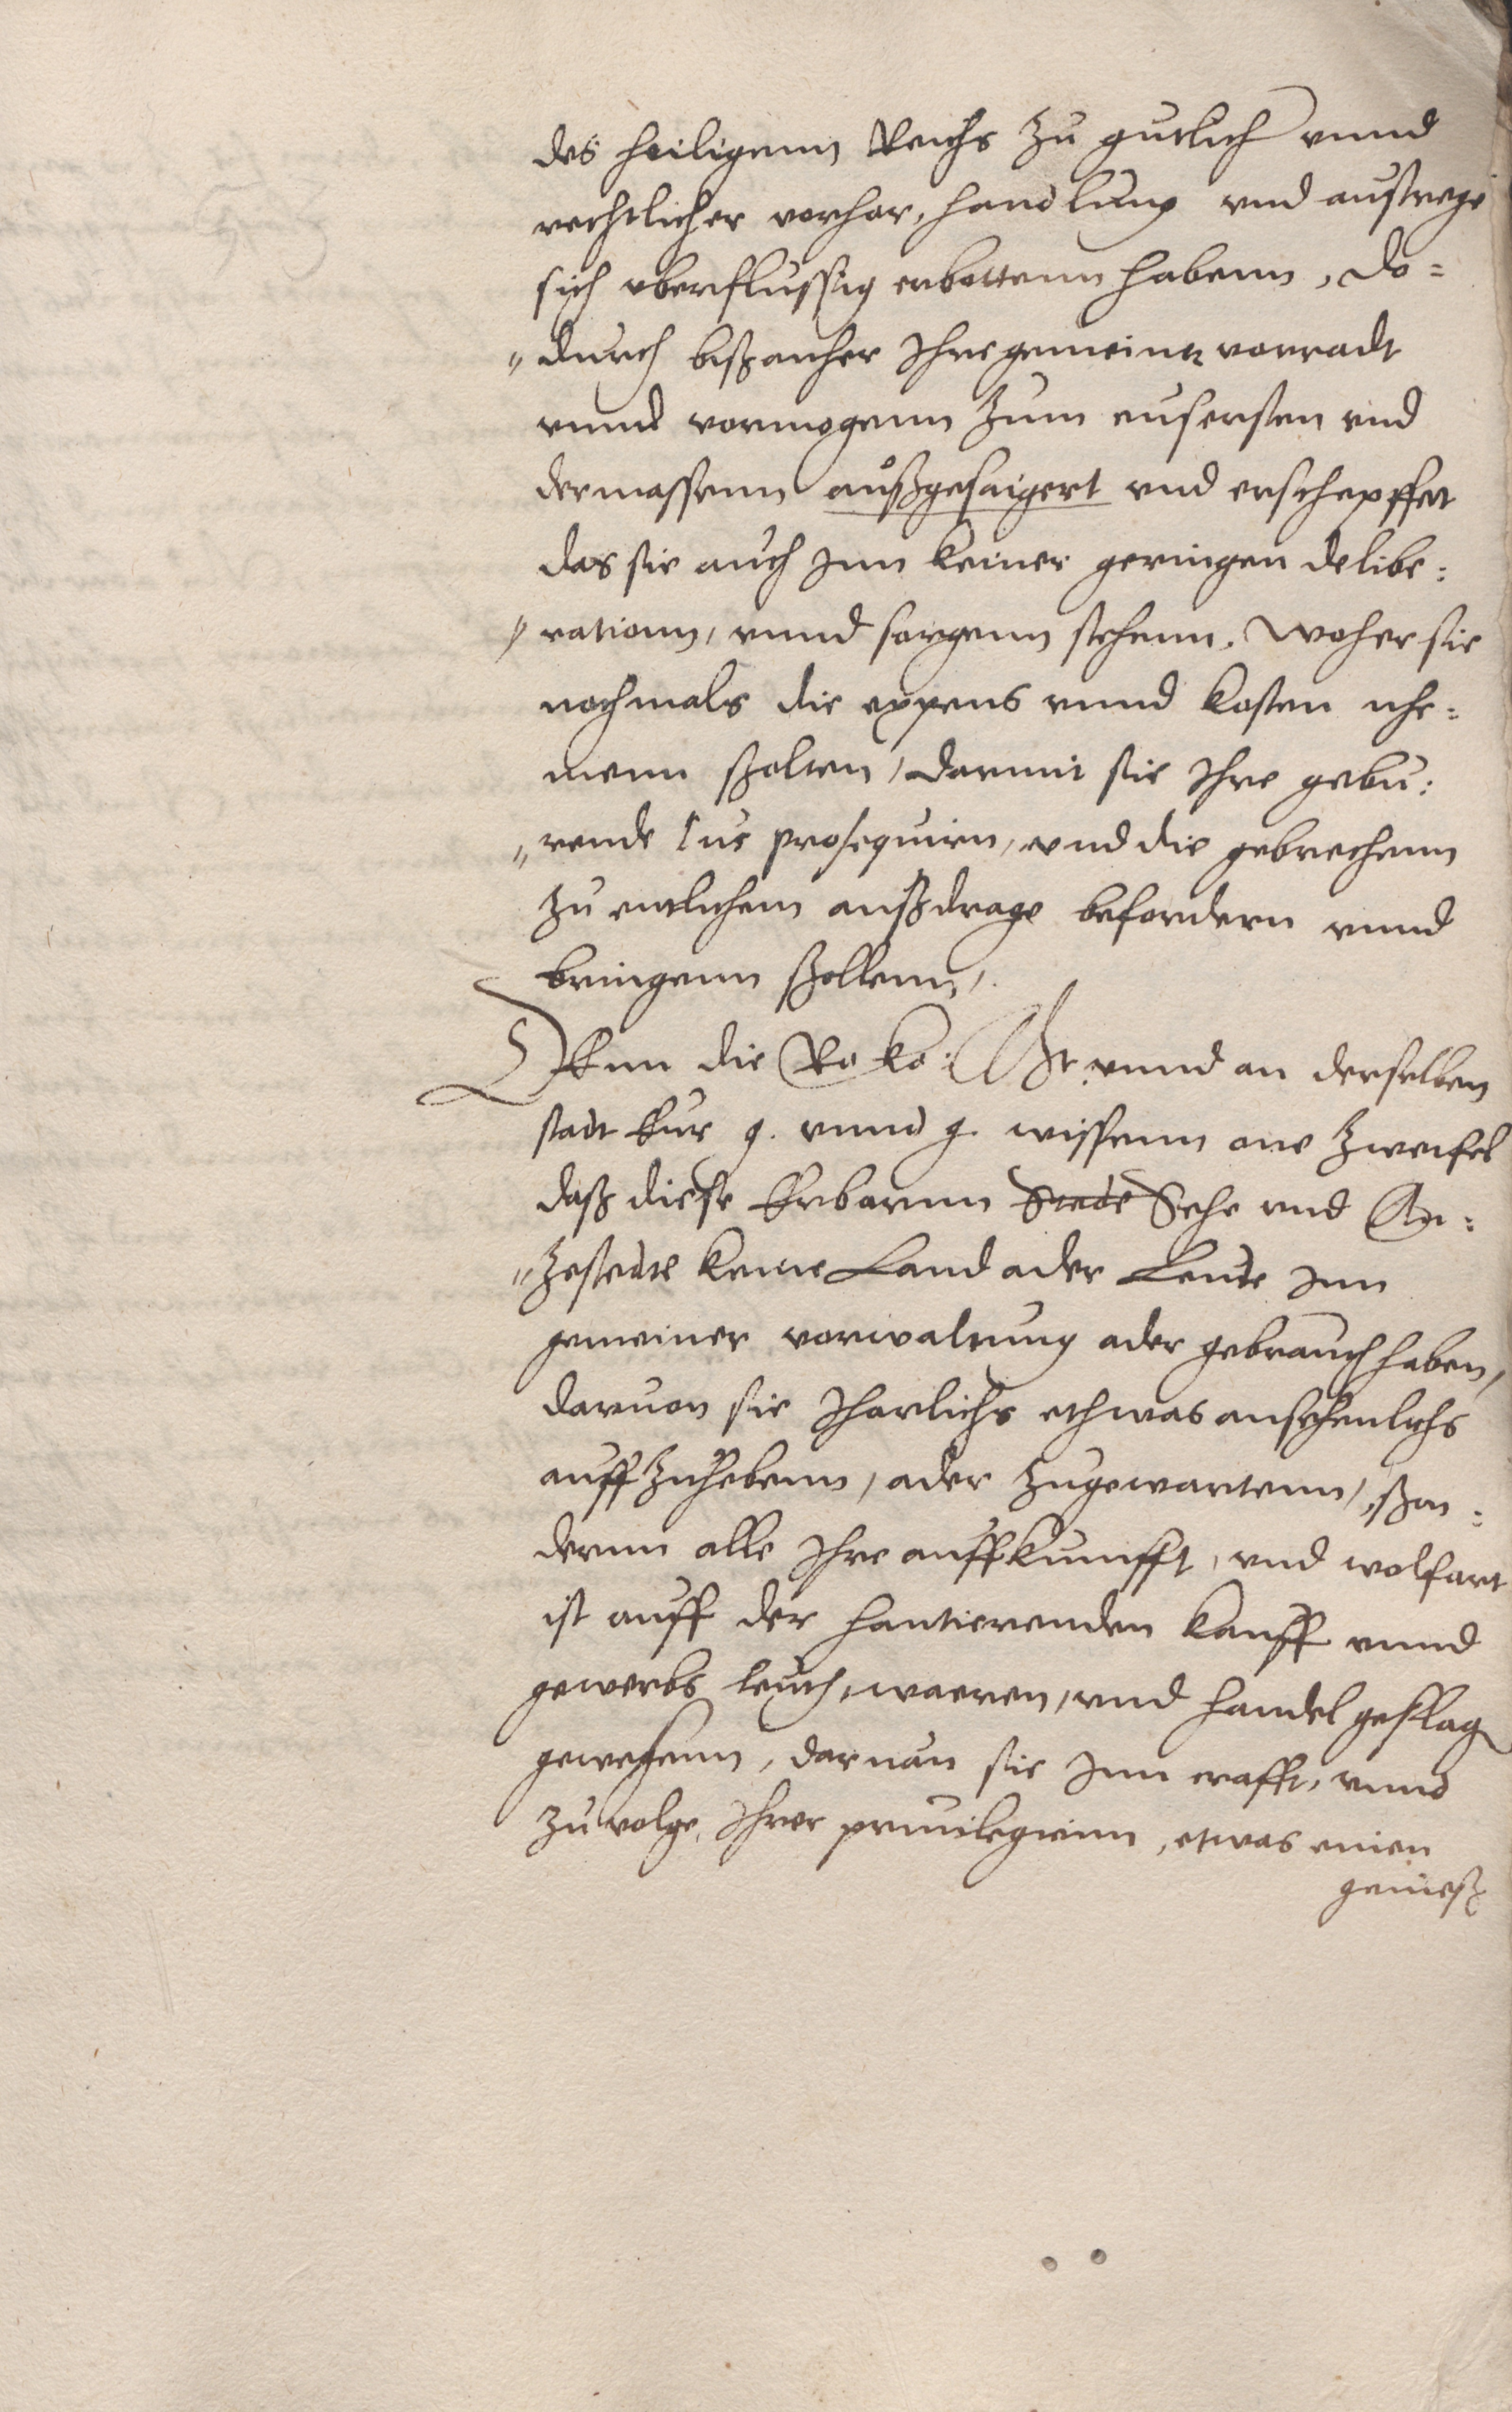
des heiligenn Reichs zu gutlicher vnnd
rechtlicher vorhar, handlung vnd austrege
sich vberflussig erbottenn habenn, do¬
durch biß anher jhre gemeinen vorradt
vnnd vormogenn zum eusersten vnd
dermassenn außgesaigert vnd erschepffet
das sie auch jnn keiner geringen delibe¬
rationn, vnnd sorgenn stehenn, woher sie
nochmals die expens vnnd kosten nhe¬
menn ßolten, darmit sie jhre gebu¬
rende Ius prosequiren, vnd die gebrechenn
zu entlichenn außdrage befordern vnnd
bringenn ßollenn,
Denn die Ro Ko: Mt: vnnd an derselben
stadt Eur g. vnnd g. wissenn ane Zweifel
daß diese Erbarnn Stede Sehe vnd An¬
zestedte keine Land ader Leute inn
gemeiner vorwaltung ader gebrauch haben,
daruon sie Jharlichs ethwas ansehenlichs
auff zuhebenn, ader zugewantenn, ßon¬
dernn alle Jhre auffkumfft, vnd wolfart
ist auff der hantierenden kauff vnnd
gewerbs leuth, waeren, vnnd handel geslagen
gewesenn, daruan sie Jnn crafft, vnnd
zu volge, Jhrer priuilegienn, etwas einen
genieß
